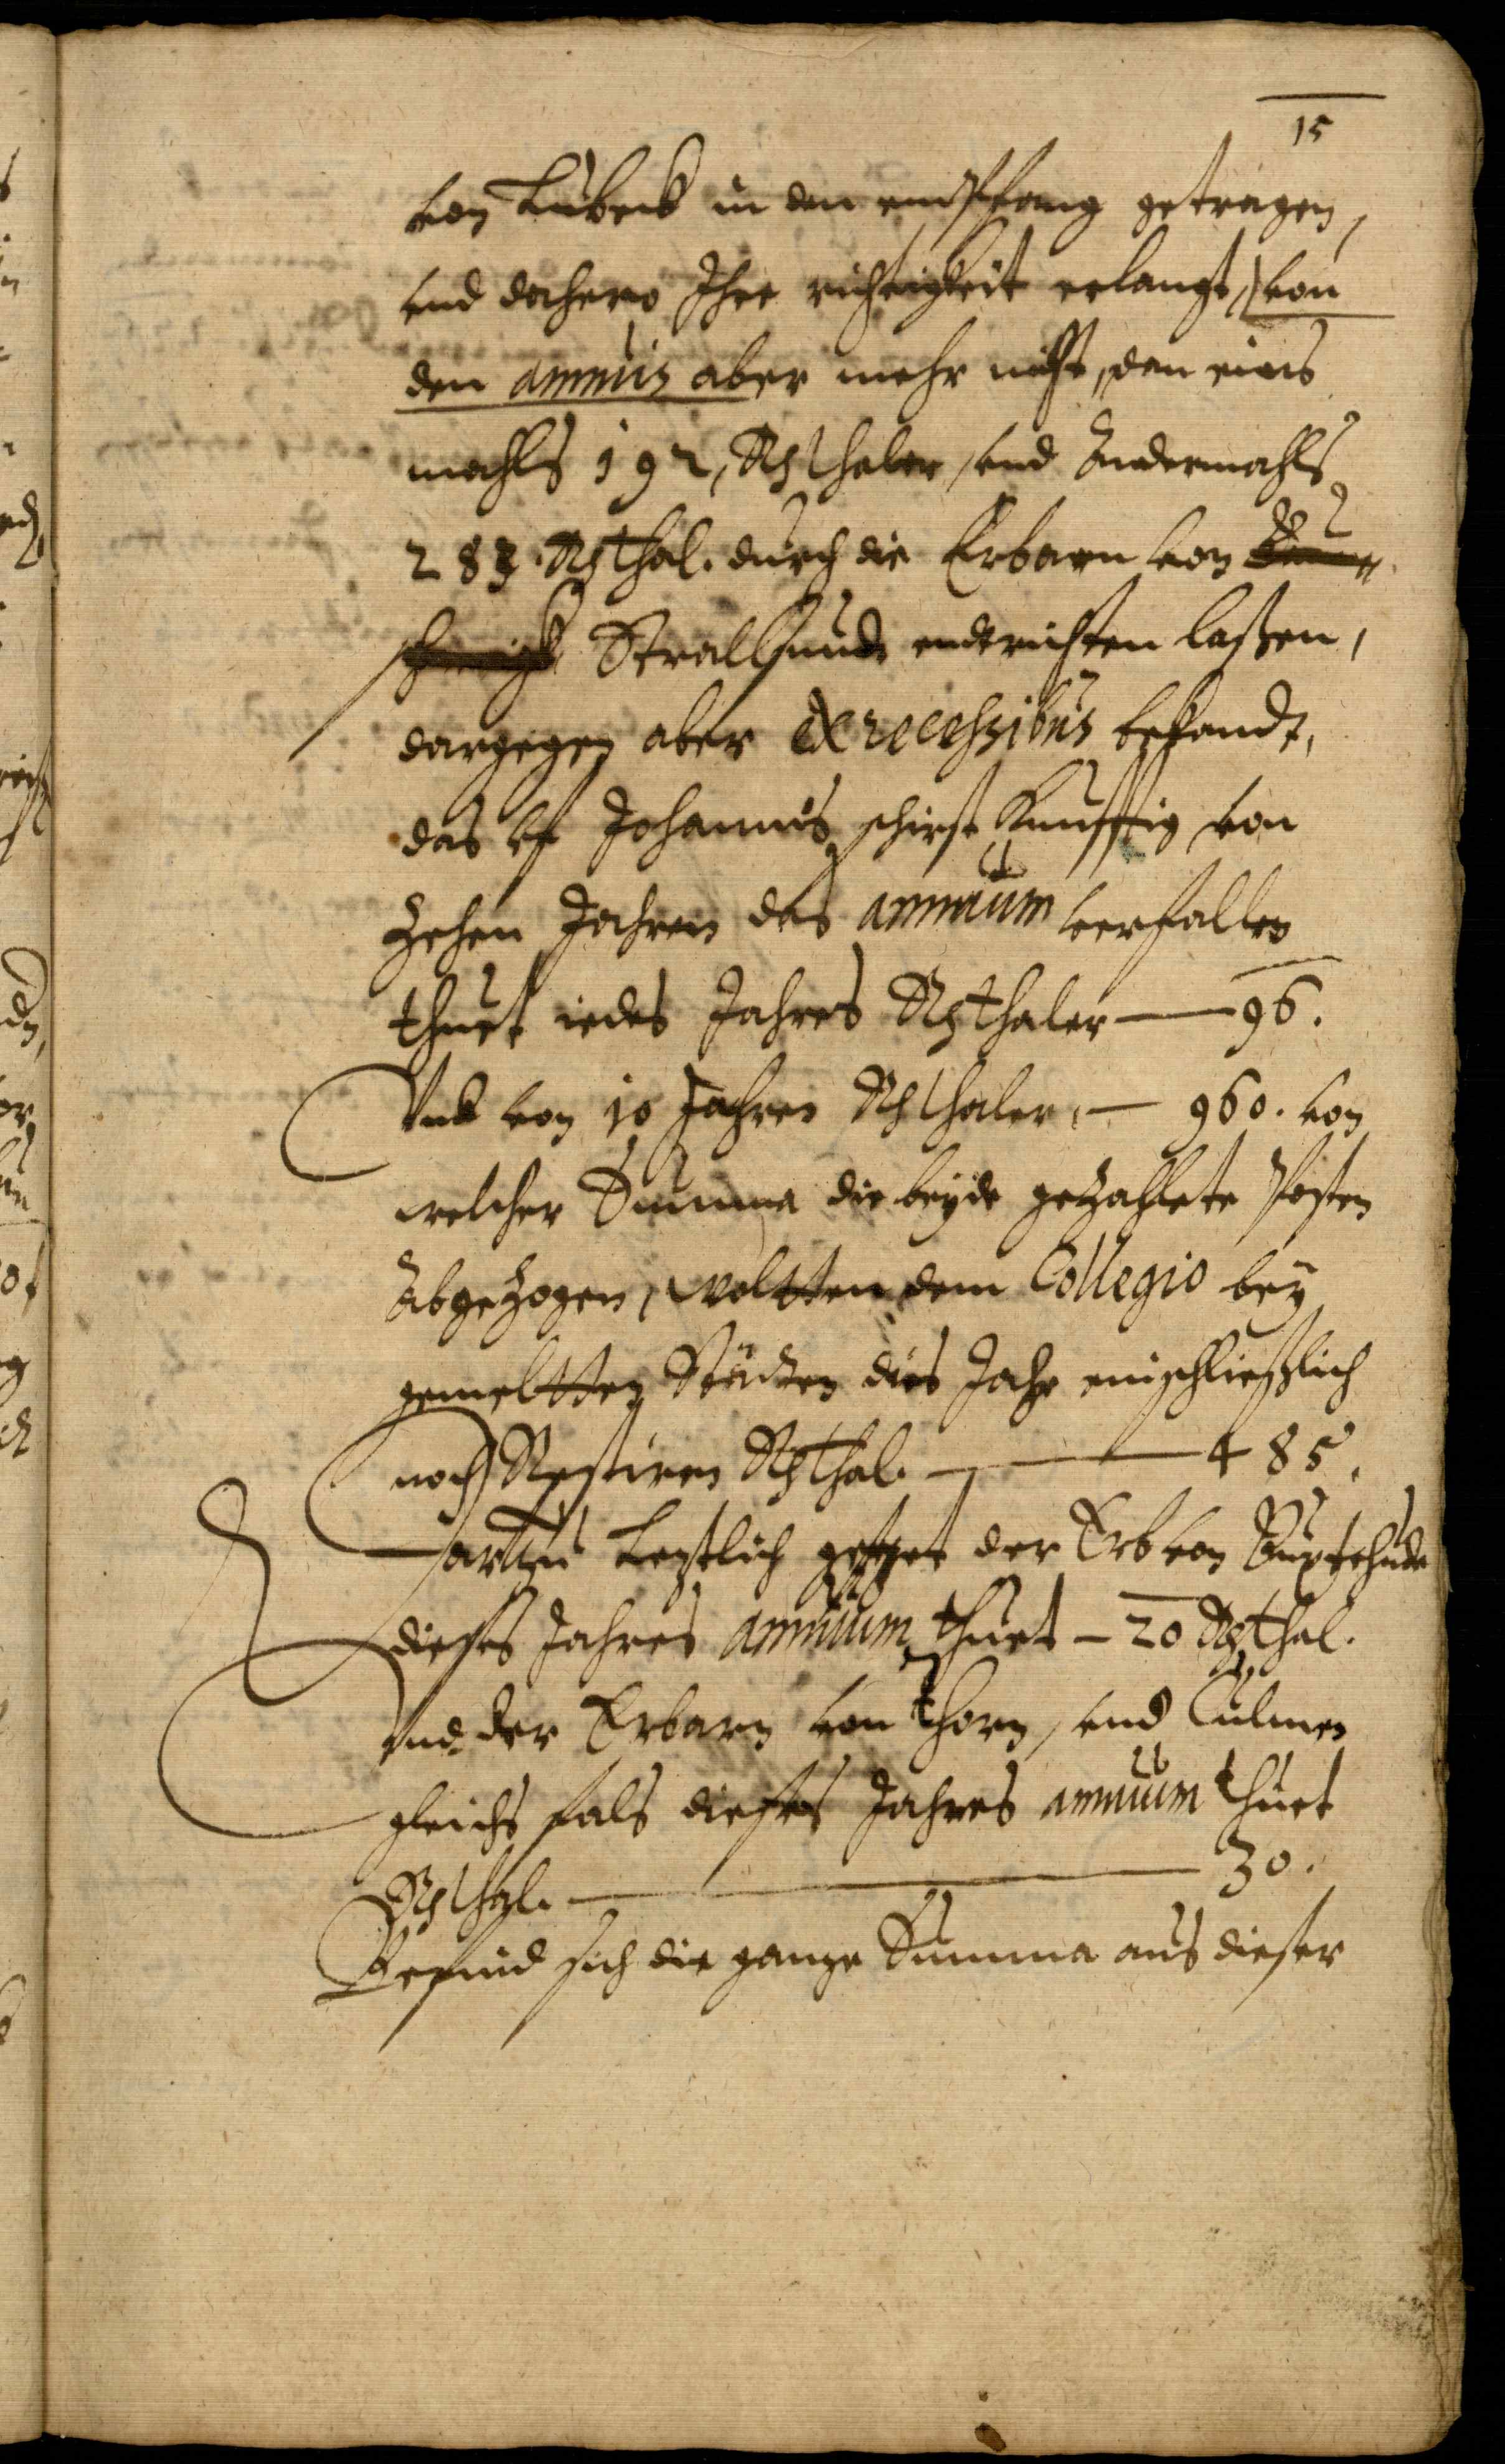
15
von Lubeck in den empfang getragen,
vnd dahero Ihre richtigkeit erlangt, von
den annuis aber mehr nicht, den eins
mahls 192, Rhthaler, vnd andermals
283. Reichsthaler durch die Erbarn von Braun¬
schweigk Stralsundt endtrichten laßen,
dargegen aber ex recessibus bekandt,
das vf Johannis schirst kunfftig von
zehen Jahren das annuum verfallen
thuet iedes Jahres Rhthaler _ 96.
Vnd von 10 Jahren Rhthaler _960. von
welcher Summa die beijde gezahlete Posten
abgezogen, wollten dem Collegio beij
gemeltten Städten dies Jahr einschließlich
noch Restiren Reichsthaler _ 485.
Dartzu Leztlich gesezet der Erb von Buxtehude
dieses Jahres annuum thuet _ 20 Rhthal.
vnd der Erbarn von Thorn, vnd Culmen
gleichs fals dieses Jahres annuum thuet
Rhthal. _ 30.
Befind sich die ganze Summa aus dieser
